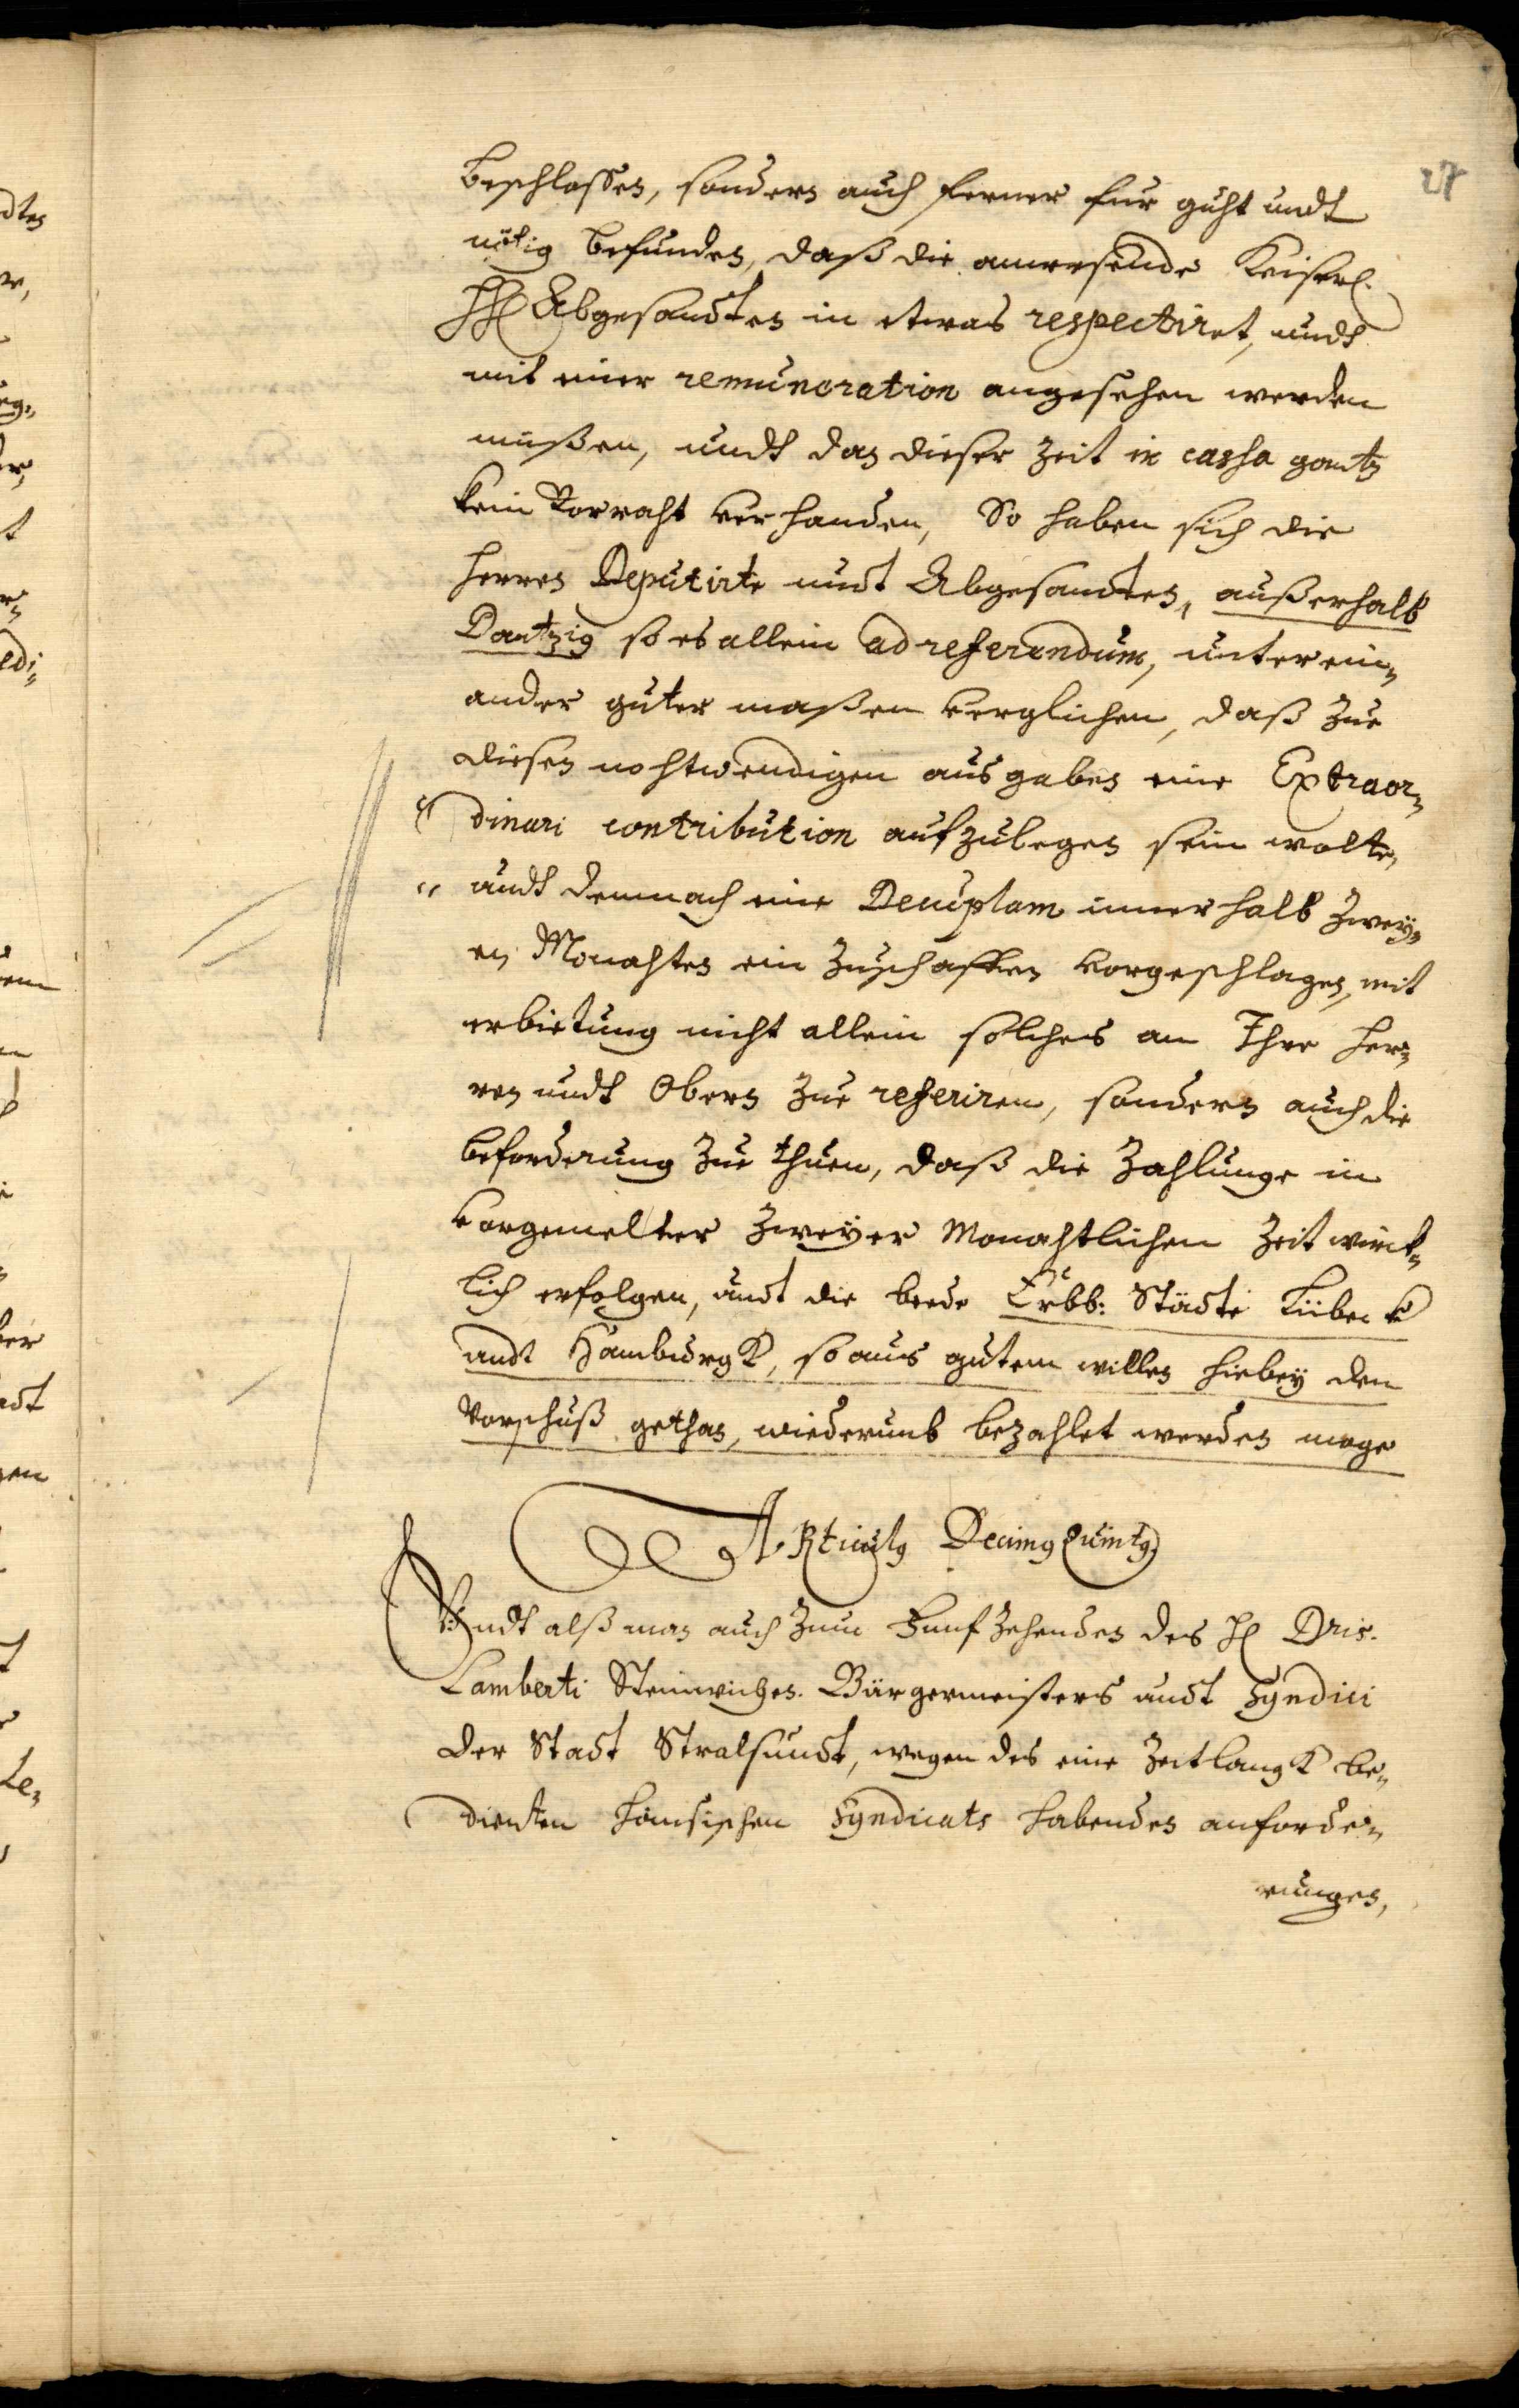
beschlossen, sondern auch ferner fur guht undt
nötig befunden, daß die anwesende Keiserl.
H. Abgesandten in etwas respectiret, undt
mit einer remuneration angesehen werden
müßen, undt dan dieser zeit in cassa gantz
kein Vorraht verhanden, So haben sich die
herren Deputirte undt Abgesandten, außerhalb
Dantzig so es allein ad referendum, unterein¬
ander guter maßen verglichen, daß zue
diesen nohtwendigen ausgaben eine Extraor¬
dinari contribution aufzulegen sein wolte,
,,undt demnach eine Decuplam innerhalb zweij¬
en Monahten ein zuschaffen vorgeschlagen, mit
erbietung nicht allein solches an Ihre her¬
ren undt Obern zue referiren, sondern auch die
beforderung zue thuen, daß die Zahlunge in
vorgemelter zweijer Monahtlichen Zeit wirck¬
lich erfolgen, undt die beede Erbb: Städte Lübeck
undt Hamburgk, so aus gutem willen hiebeij den
Vorschuß gethan, wiederumb bezahlet werden moge
ARticulq Decimq Quintq.
Vndt alß man auch zum Funf zehenden des H Dris.
Lamberti Steinwichen. Bürgermeisters undt Syndici
der Stadt Stralsundt, wegen des eine zeitlangk be¬
dienten Hansischen Syndicats habenden anforde¬
rungen,
